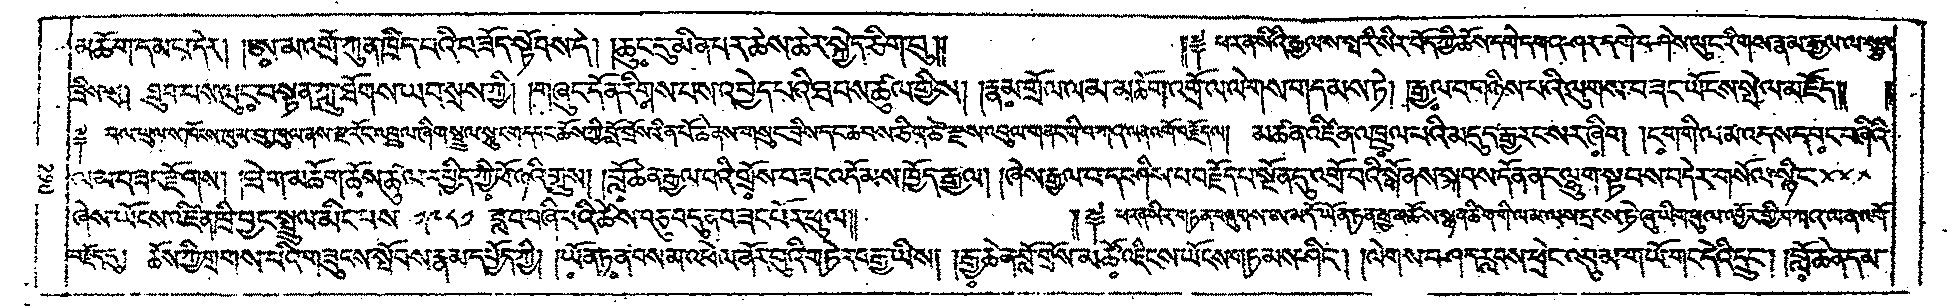མཆོག་དམ་པ་དེར། །ཨ྾་མ་འགྲོ་ཀུན་ཁྲིད་པའི་བཟོད་སྟོབས་དེ། །ཆུང྾་དུ་མིན་པར་ཆེས་ཆེར་སྐྱེད་ཅིག་པུ།། །། ༈ ཕ་རན་སིའི་རྒྱལ་ས་སྤ་རི་སིར་བོད་ཀྱི་ཆོས་དགེ་དགའ་ཤར་དགེ་བཤེས་ལུང་རིགས་རྣམ་རྒྱལ་ལ་སྩལ་
བྲིས་སུ། ཐུབ་པས་ལུང྾་བསྟན་ཀླུ་ཐོགས་ཡབ་སྲས་ཀྱི། །གཞུང་དོན་རིགས྾་པས་འབྱེད་པའི་ཐབས་ཚུལ་གྱིས། །རྣམ྾་གྲོལ་ལམ་མཆོག་འགྲོ་ལ་ལེགས་གདམས་ཏེ། །རྒྱལ྾་བ་གཉིས་པའི་ལུགས་བཟང་ཡོངས་སྤེལ་མཛོད།། །།
༈ བལ་ཡུལ་ས་ཁོངས་ཁུམ་བུ་ཁུལ་ནས་རྫ་རོང་འཁྲུལ་ཞིག་སྤྲུལ་སྐུ་ངག་དབང་ཆོས་ཀྱི་བློ་གྲོས་རིན་པོ་ཆེ་ནས་གསུང་བྲིས་དང་ཆབས་ཅིག་ཚེ་རྫས་འབུལ་གནང་གི་བཀའ་ལན་འགོ་བརྗོད་ལ།  མཚན་འཛིན་འཁྲུལ་པའི་མདུད་རྒྱ་རང་སར་ཞིག྾་།ངག྾་གི་ལམ་འདས་དབང྾་བཞིའི་
ལམ་བཟང་རྫོགས། །ཐེག་མཆོག་ཆོས྾་ཚུལ་དཔྱིད་ཀྱི྾་ཕོ་ཉའི་གླུས། །བློ྾་ཆེན་རྒྱལ་བའི་གྲོས྾་བཟང་འདོམས་ཁྱོད་རྒྱལ། །ཞེས་རྒྱལ་བ་དང་ཤིས་པ་བརྗོད་པ་སྔོན་དུ་འགྲོ་བའི་སྒོ་ནས་སྐབས་དོན་ནང་ལྷུག་སྟབས་བདེར་གསོལ་སྙིང་྾་྾་྾་
ཞེས་ཡོངས་འཛིན་ཁྲི་བྱང་སྤྲུལ་མིང་པས ༡༩༨༡་ཟླ་བ་བཞི་པའི་ཚེས་བཅུ་བདུན་བཟང་པོར་ཕུལ།། །། ༈ ཕ་རན་སིར་གཏན་བཞུགས་ཨ་མདོ་ཡོན་ཏན་རྒྱ་མཚོས་སྙན་ཚིག་གི་ལམ་ལས་དྲངས་ཏེ་ཞུ་ཡིག་ཕུལ་འབྱོར་གྱི་བཀའ་ལན་འགོ་
བརྗོད་དུ། ཆོས་ཀྱི་གྲགས་པའི་གཟུངས་སྤོབས་རྣམ་དཔྱོད་ཀྱི། །ཡོན྾་ཏན྾་བསམ་འཕེལ་ནོར་བུའི་གཏེར་བརྒྱ་ཡིས། །རྒྱ྾་ཆེན་བློ་གྲོས་མཚོ྾་འཇིངས་ཡོངས་གཏམས་ཤིང་། །ལེགས་བཤད་རླབས་ཕྲེང་འབུམ་གཡོ་གང་དེའི་དྲུང་། །བློ྾་ཆེན་དམ་